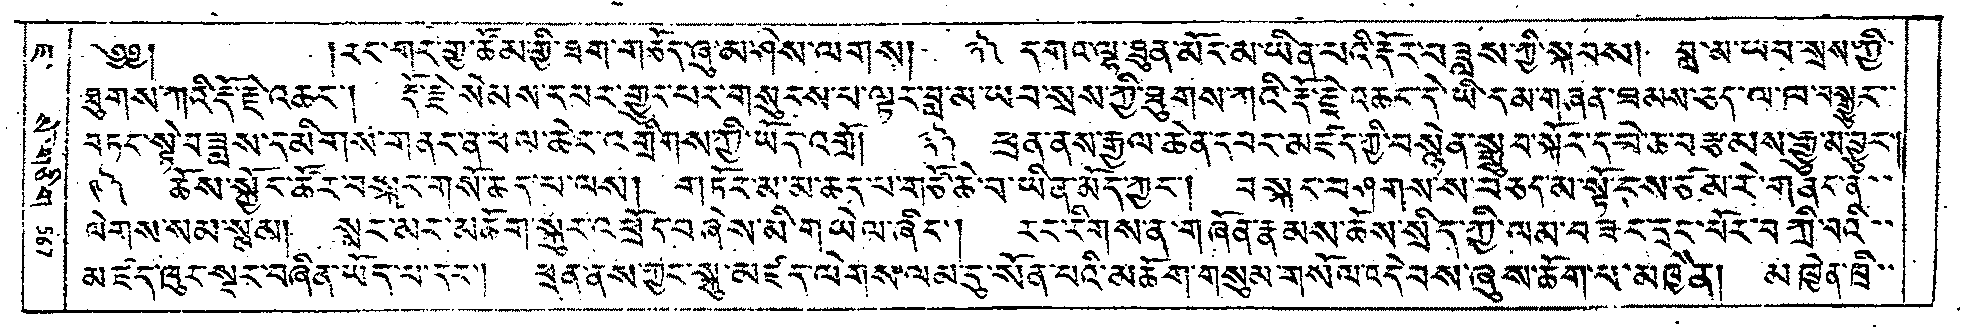༄༅། །རང་གར་གྱ་ཚོམ་གྱི་ཐག་གཅོད་ཞུ་མ་ཤེས་ལགས། ༢་དགའ་ལྷ་ཐུན་མོང་མ་ཡིན་པའི་རྡོར་བཟླས་ཀྱི་སྐབས། བླ་མ་ཡབ་སྲས་ཀྱི་
ཐུགས་ཀའི་རྡོ་རྗེ་འཆང་། རྡོ་རྗེ་སེམས་དཔར་གྱུར་པར་གསུངས་པ་ལྟར་བླ་མ་ཡབ་སྲས་ཀྱི་ཐུགས་ཀའི་རྡོ་རྗེ་འཆང་དེ་ཡི་དམ་གཞན་ཐམས་ཅད་ལ་ཁ་བསྒྱུར་
བཏང་སྟེ་བཟླས་དམིགས་གནང་ན་ཕལ་ཆེར་འགྲིགས་ཀྱི་ཡོད་འགྲོ། ༣་ཕྲན་ནས་རྒྱལ་ཆེན་དབང་མཛད་ཀྱི་བསྙེན་སྒྲུབ་སྐོར་དཔེ་ཆ་བརྩམས་རྒྱུ་མ་བྱུང་།
༤་ཆོས་སྐྱོང་ཚོར་བསྐང་གསོ་ཆད་པ་ལས། གཏོར་མ་མ་ཆད་པ་གཙོ་ཆེ་བ་ཡིན་མོད་ཀྱང་། བསྐང་བཤགས་ས་བཅད་མ་སྟོ་ངས་ཙམ་རེ་གནང་ན་
ལེགས་སམ་སྙམ། སླར་མར་མཆོག་སྐུར་འཕྲོད་བཞེས་མི་གཡེལ་ཞིང་། རང་རིགས་ན་གཞོན་རྣམས་ཆོས་སྲིད་ཀྱི་ལམ་བཟང་དྲང་པོར་བཀྲི་བའི་
མཛད་ཁུར་སྔར་བཞིན་ཡོད་པ་དང་། ཕྲན་ནས་ཀྱང་སྐུ་མཛད་ལེགས་ལམ་དུ་སོན་པའི་མཆོག་གསུམ་གསོལ་འདེབས་ཞུས་ཆོག་པ་མཁྱཻན། མཁྱེན་ཁྲི་